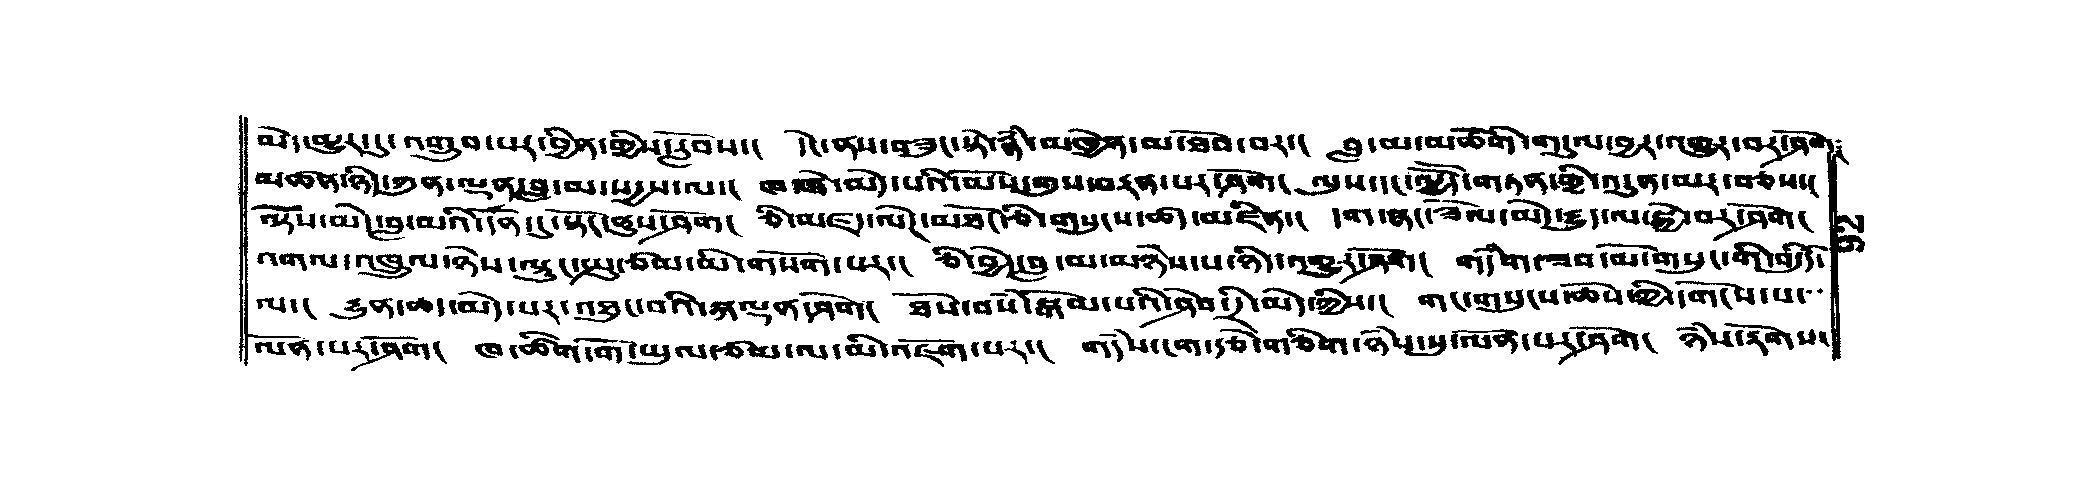མྱུར་དུ་འགྲུབ་པར་བྱིན་གྱིས་རློབས། །དེང་ནས་བཟུང་སྟེ་རྣམ་མཁྱེན་མ་ཐོབ་བར། །བླ་མ་མཆོག་གི་གདུལ་བྱར་འགྱུར་བར་ཤོག །
མཚན་ཉིད་ཀུན་ལྡན་བླ་མ་སངས་རྒྱས་ལ། །ཁ་ཞེ་མེད་པའི་མོས་གུས་བརྟན་པར་ཤོག །ལུས་དང་ལོངས་སྤྱོད་གཏན་གྱི་འདུན་མར་བཅས། །
ལྟོས་མེད་བླ་མའི་དོན་དུ་སྟོང་ནུས་ཤོག །ཅི་མཛད་ལེགས་མཐོང་ཅི་གསུངས་ཚད་མ་འཛིན། །དག་སྣང་ཟོལ་མེད་རྒྱུད་ལ་སྐྱེ་བར་ཤོག །
འགལ་འཁྲུལ་ཉེས་ལྟུང་སྤུ་ཙམ་མི་གསོག་པར། །ཅི་བྱེད་བླ་མ་མཉེས་པ་ཉིད་འགྱུར་ཤོག །གདམས་ངག་ཟབ་མོ་གསུང་གི་བདུད་རྩི་
ལ། །རྒྱུན་ཆད་མེད་པར་འཐུང་བའི་སྐལ་ལྡན་ཤོག །ཐོས་བསམ་སྒོམ་པའི་ཤེས་རབ་དྲི་མེད་ཀྱིས། །གང་གསུངས་ཆོས་ཀྱི་དགོངས་པ་
ལོན་པར་ཤོག །ཁ་ཚིག་གོ་ཡུལ་ཙམ་ལ་མི་འཇོག་པར། །གདམས་ངག་རྩེ་གཅིག་ཉམས་སུ་ལོན་པར་ཤོག །ཉམས་རྟོགས་